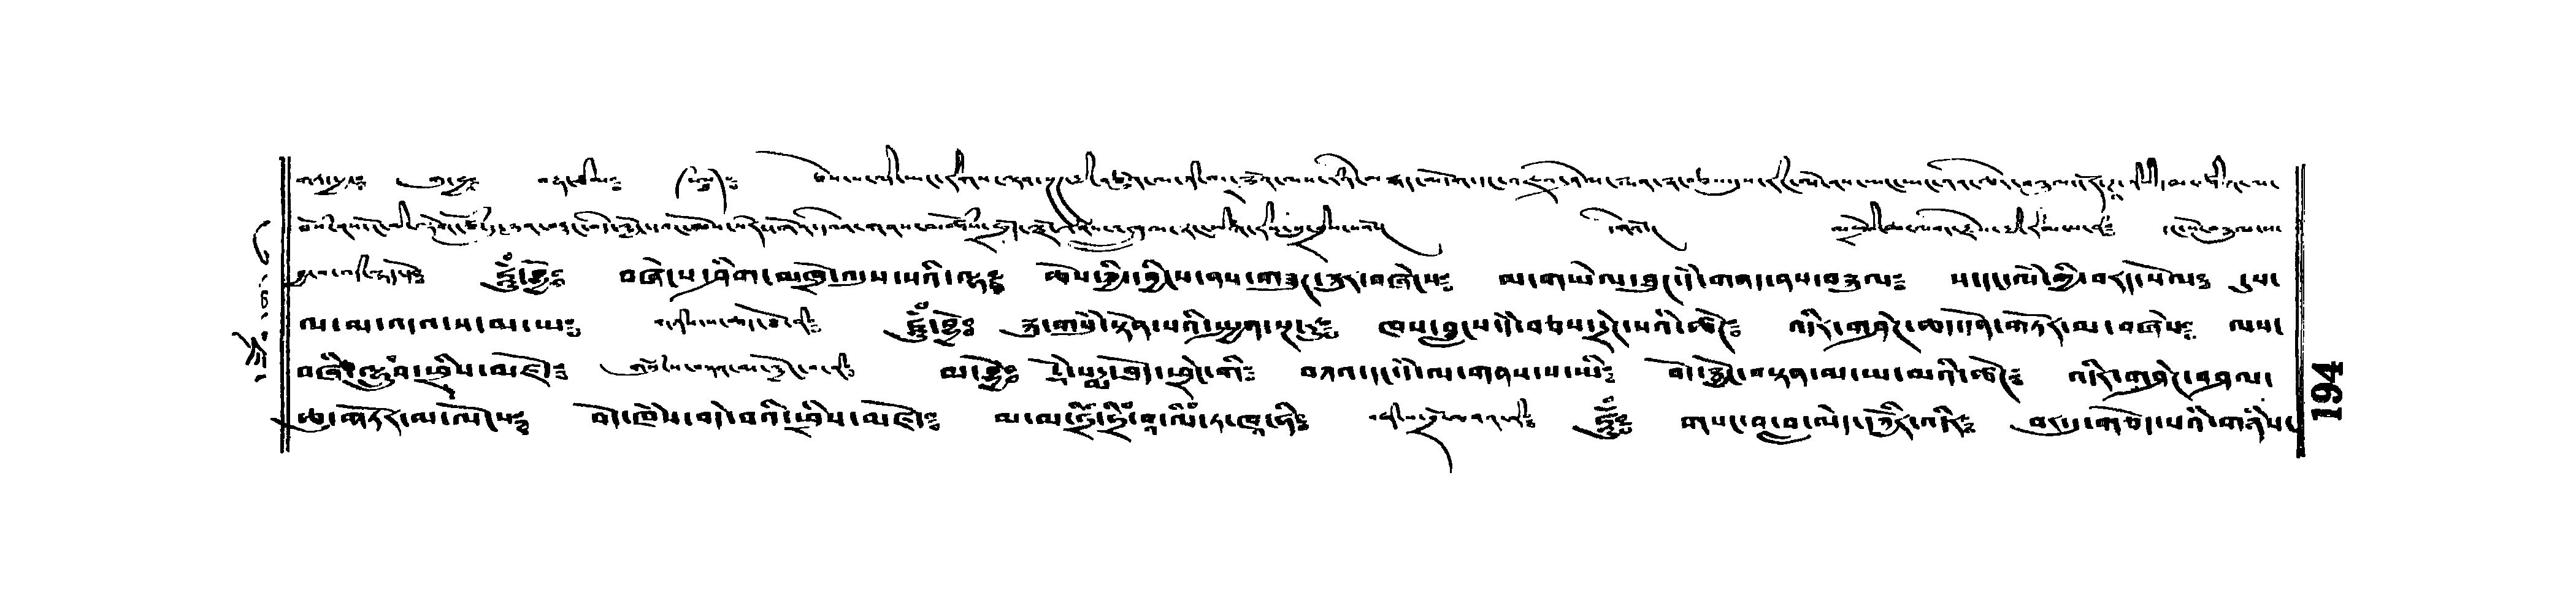གཏད་རྒྱ༔ གུ་ཧྱ༔ བརྡ་ཐིམ༔ ༔ ཅེས་པ་འདི་ཡང་རིགས་ལྡན་སྔགས་ཀྱི་བཙུན་མ་ཉི་མ་སྒྲོན་མས་རིན་ཆེན་མརྒད་མདོག་དང་འཇའ་ཤེལ་སྨན་སྣ་བཅས་དུས་རིང་མོ་ནས་ཡང་ཡང་ནན་ཆེར་བསྐུལ་ངོར་ཌཱ་ཀིའི་དམ་ཚིག་ལ་
བསམ་ནས་ངོ་མི་ལྡོག་ཙམ་དུ་ཀུན་བཟང་བདེ་སྐྱོང་དབང་མོས་སེར་དགོན་གནས་མཚམས་ཁྲོད་ལྗོངས་ནས་འཁྲུལ་སྣང་ཡིག་རིས་སུ་བྲིས་པའོ།། དགེའོ།། མཁའ་འགྲོའི་ཆ་ལག་རྗེས་ཀྱི་རིམ་པ་ནི༔ དང་པོ་བསྐུལ་པ་
བྱ་བ་འདི་སྐད་དོ༔ ཧཱུྃ་བྷྱོཿ བཞེངས་ཤིག་མཁའ་འགྲོ་འདུས་པའི་ལྷ༔ ཆོས་ཀྱི་དབྱིངས་ནས་གཟུགས་སྐུར་བཞེངས༔ མ་གཡེལ་ཐུགས་དམ་གནད་ནས་བསྐུལ༔ ས་དང་ལམ་གྱི་བར་ཆད་སོལ༔ དུས་
ལ་མ་འདའ་ས་མ་ཡ༔ གཉིས་པ་ཆད་ཐོ་ནི༔ ཧཱུྃ་བྷྱོ༔ སྐུ་གསུམ་སྟོན་པའི་སྤྱན་སྔ་རུ༔ ཁས་བླངས་དམ་བཅས་དྲེགས་པའི་ཚོགས༔ འདིར་གཤེགས་ཆད་དོན་གཏོར་མ་བཞེས༔ ལས་
བཞི་ལྷུན་གྲུབ་ཕྲིན་ལས་མཛོད༔ གསུམ་པ་བསྟན་མ་སྐྱོང་བ་ནི༔ མ་བྷྱོ༔ རྡོ་རྗེ་པདྨ་ཐོད་ཕྲེང་གི༔ བཀའ་དང་དམ་ལ་གནས་པ་ཡི༔ བོད་སྐྱོང་བསྟན་མ་ཡ་མའི་ཚོགས༔ འདིར་གཤེགས་བཤལ་
ཆུ་གཏོར་མ་ལོངས༔ བོད་ཁམས་བདེ་བའི་ཕྲིན་ལས་མཛོད༔ མ་མ་ཧྲིཾ་ཧྲིཾ་བཱ་ལིཾ་ཏ་ཁཱ་ཧི༔ བཞི་པ་བྲོ་མནན་ནི༔ ཧཱུྃ༔ གསང་བ་བླ་མེད་དཀྱིལ་འཁོར་འདིར༔ བར་དུ་གཅོད་པའི་གཉིས